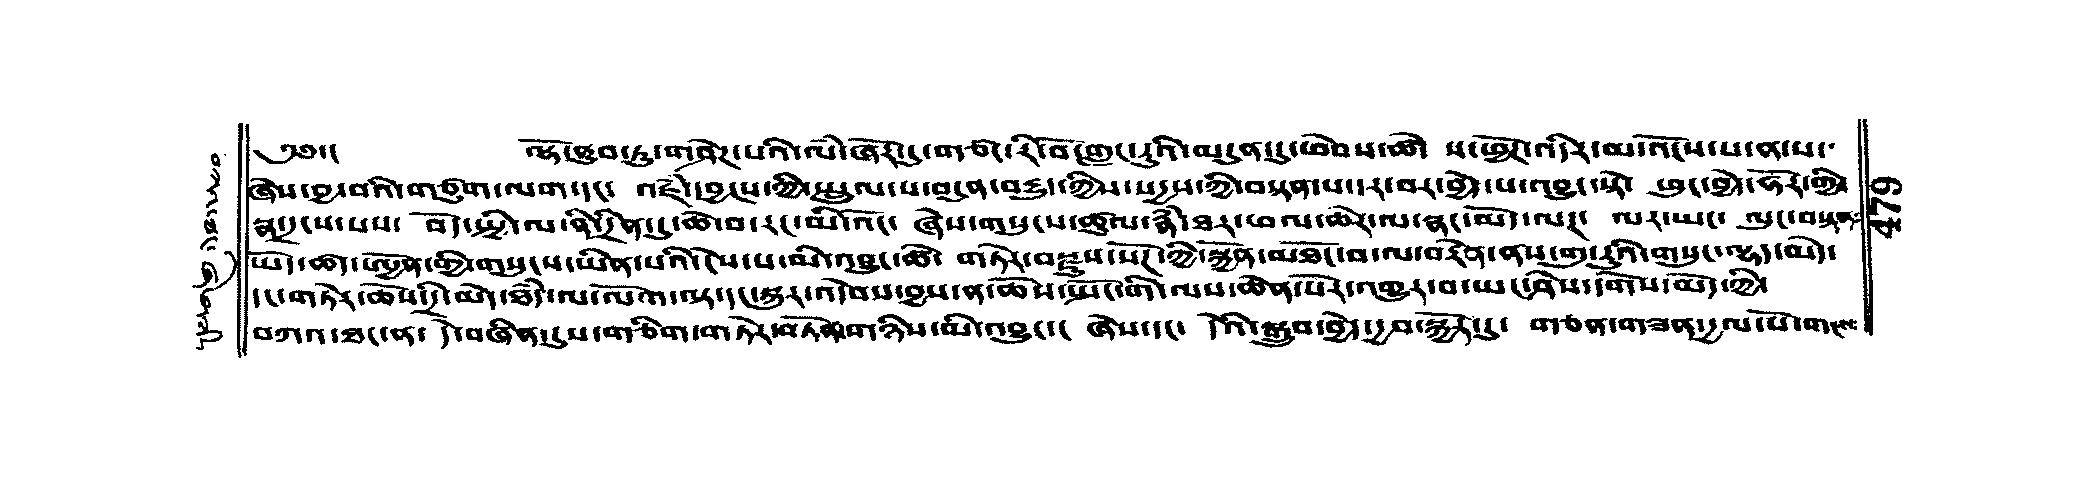ལྷོ་ནུབ་ཏུ་གཤེགས་པའི་ལམ་ཞོར་དུ་གཙང་རི་བོ་གླང་རུའི་མདུན་དུ་ཕེབས་ཚེ། ས་ཕྱོགས་འདིར་མ་འོངས་པ་ན་ས་
ཞེས་བྱ་བའི་གཙུག་ལག་དང་། འཇམ་དབྱངས་ཀྱི་སྤྲུལ་པ་བདུན་བརྒྱུད་ཀྱིས་སངས་རྒྱས་ཀྱི་བསྟན་པ་དར་བར་བྱེད་པ་འབྱུང་སྟེ། ཕུང་བྱེད་ཧོར་གྱི་
སྣ་དྲངས་པས། བོད་སྤྱི་ལ་ནི་དྲིན་དུ་ཆེ་བ་རང་མི་འོང་། ཞེས་གསུངས་ཚུལ་རྣམ་ཐར་ཕལ་ཆེར་ལ་སྣང་མོད་ལགས། ལར་ཡང་། ལུང་བསྟན་
ཡོད་ཚད་ཨོ་རྒྱན་གྱི་གསུང་ཡིན་པའི་ངེས་པ་མི་འབྱུང་ཚེ། གཏེར་བརྫུས་སོགས་ཀྱི་སྐྱོན་མཐོང་བ་ལ་བརྟེན་ནས་གུ་རུའི་གསུང་ལྷད་མེད་
དང་གཏེར་ཆོས་དྲི་མེད་ཐམས་ཅད་ལ་ལོག་ལྟ་དང་སྐུར་འདེབས་བྱས་ན་ཆོས་སྤོང་གི་ལས་ཆེན་པོར་འགྱུར་བ་ཡང་ཤེས་དགོས་མོད་ཀྱི་
བཀའ་ཐང་ན། དེ་བཞིན་དུས་གཅིག་གཏེར་གཏོན་གཉིས་མི་འབྱུང་། ཞེས་དང་། དེའི་སྒྲུབ་བྱེད་རྒྱབ་སྐྱོར་དུ། གཅན་གཟན་རྒྱལ་པོ་གང་